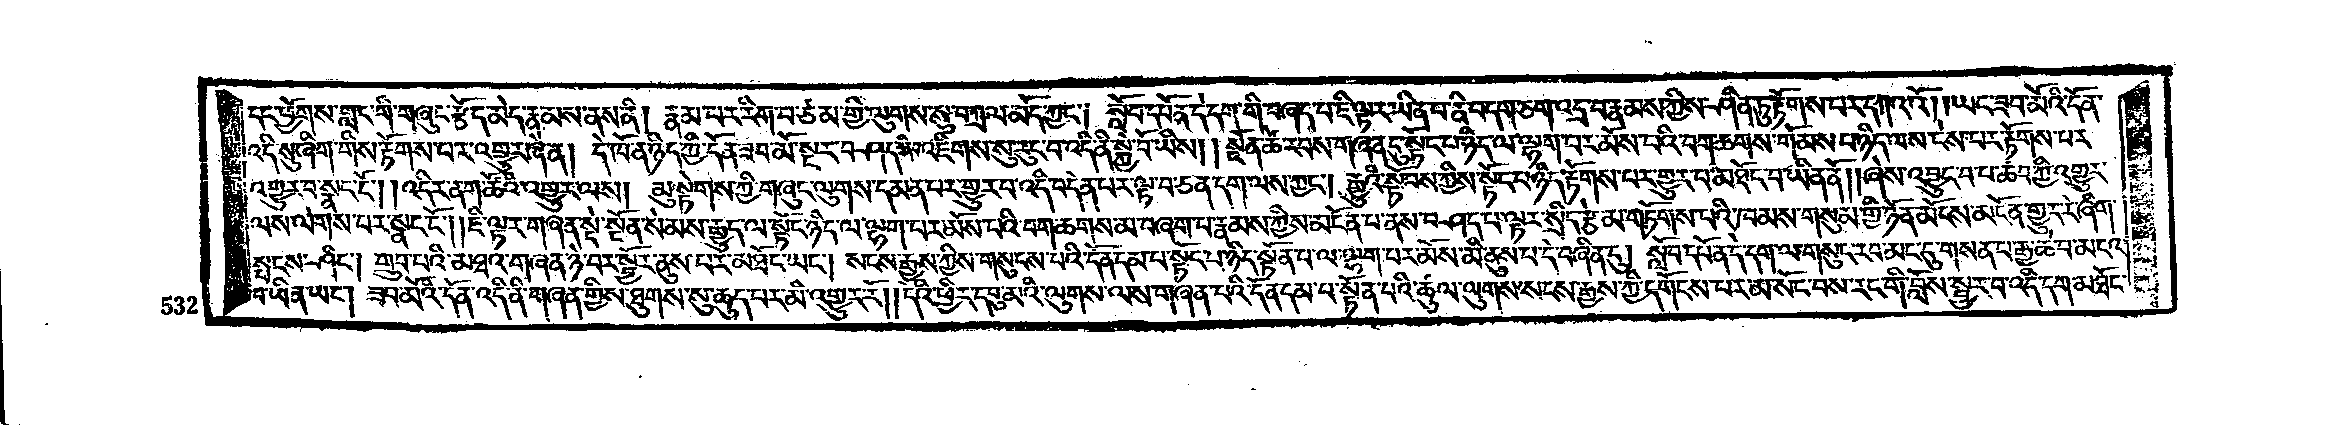དང་ཕྱོགས་གླང་གི་གཞུང་རྩོད་མེད་རྣམས་ནས་ནི། རྣམ་པར་རིག་པ་ཙམ་གྱི་ལུགས་སུ་བཀྲལ་མོད་ཀྱང་། སློབ་དཔོན་དེ་དག་གི་བཞེད་པ་ཇི་ལྟར་ཡིན་པ་ནི་བདག་ཅག་འདྲ་བ་རྣམས་ཀྱིས་ཤིན་ཏུ་རྟོགས་པར་དཀའ་འོ། །ཡང་ཟབ་མོའི་དོན་
འདི་སུ་ཞིག་གིས་རྟོགས་པར་འགྱུར་ཞེ་ན། དེ་ཁོ་ན་ཉིད་ཀྱི་དོན་ཟབ་མོ་སྔར་བཤད་ཟིན་པ་འཇིགས་སུ་རུང་བ་འདི་ནི་སྐྱེ་བོ་ཡིས། །སྔོན་ཚེ་རབས་གཞན་དུ་སྟོང་པ་ཉིད་ལ་ལྷག་པར་མོས་པའི་བག་ཆགས་གོམས་པ་ཉིད་ལས་ངེས་པར་རྟོགས་པར་
འགྱུར་བ་སྣང་ངོ། །འདིར་ནག་ཚོའི་འགྱུར་ལས། མུ་སྟེགས་ཀྱི་གཞུང་ལུགས་དམན་པར་གྱུར་པ་འདི་བདེན་པར་ལྟ་བ་ཅན་དག་ལས་ཀྱང་། རྒྱུའི་སྟོབས་ཀྱིས་སྟོང་པ་ཉིད་རྟོགས་པར་གྱུར་པ་མཐོང་བ་ཡིན་ནོ། །ཞེས་འབྱུང་བ་པ་ཚབ་ཀྱི་འགྱུར་
ལས་ལེགས་པར་སྣང་ངོ། །ཇི་ལྟར་གཞན་སྡེ་སྔོན་སེམས་རྒྱུད་ལ་སྟོང་ཉིད་ལ་ལྷག་པར་མོས་པའི་བག་ཆགས་མ་བཞག་པ་རྣམས་ཀྱིས་མངོན་པ་ནས་བཤད་པ་ལྟར་སྲིད་རྩེ་མ་གཏོགས་པའི་ཁམས་གསུམ་གྱི་ཉོན་མོངས་མངོན་གྱུར་རེ་ཞིག་
སྤངས་ཤིང་། གྲུབ་པའི་མཐའ་གཞན་ཉེ་བར་སྦྱོར་ནུས་པར་མཐོང་ཡང་། སངས་རྒྱས་ཀྱིས་གསུངས་པའི་དོན་དམ་པ་སྟོང་པ་ཉིད་སྟོན་པ་ལ་ལྷག་པར་མོས་མི་ནུས་པ་དེ་བཞིན་དུ། སློབ་དཔོན་དེ་དག་ལ་གསུང་རབ་མང་དུ་གསན་པ་རྒྱ་ཆེ་པ་མངའ་
བ་ཡིན་ཡང་། ཟབ་མོའི་དོན་འདི་ནི་གཞན་གྱིས་ཐུགས་སུ་ཆུད་པར་མི་འགྱུར་རོ། །དེའི་ཕྱིར་དབུ་མའི་ལུགས་ལས་གཞན་པའི་དོན་དམ་པ་སྟོན་པའི་ཚུལ་ལུགས་སངས་རྒྱས་ཀྱི་དགོངས་པར་མ་སོང་བས་རང་གི་བློས་སྦྱར་བ་འདི་དག་མཐོང་